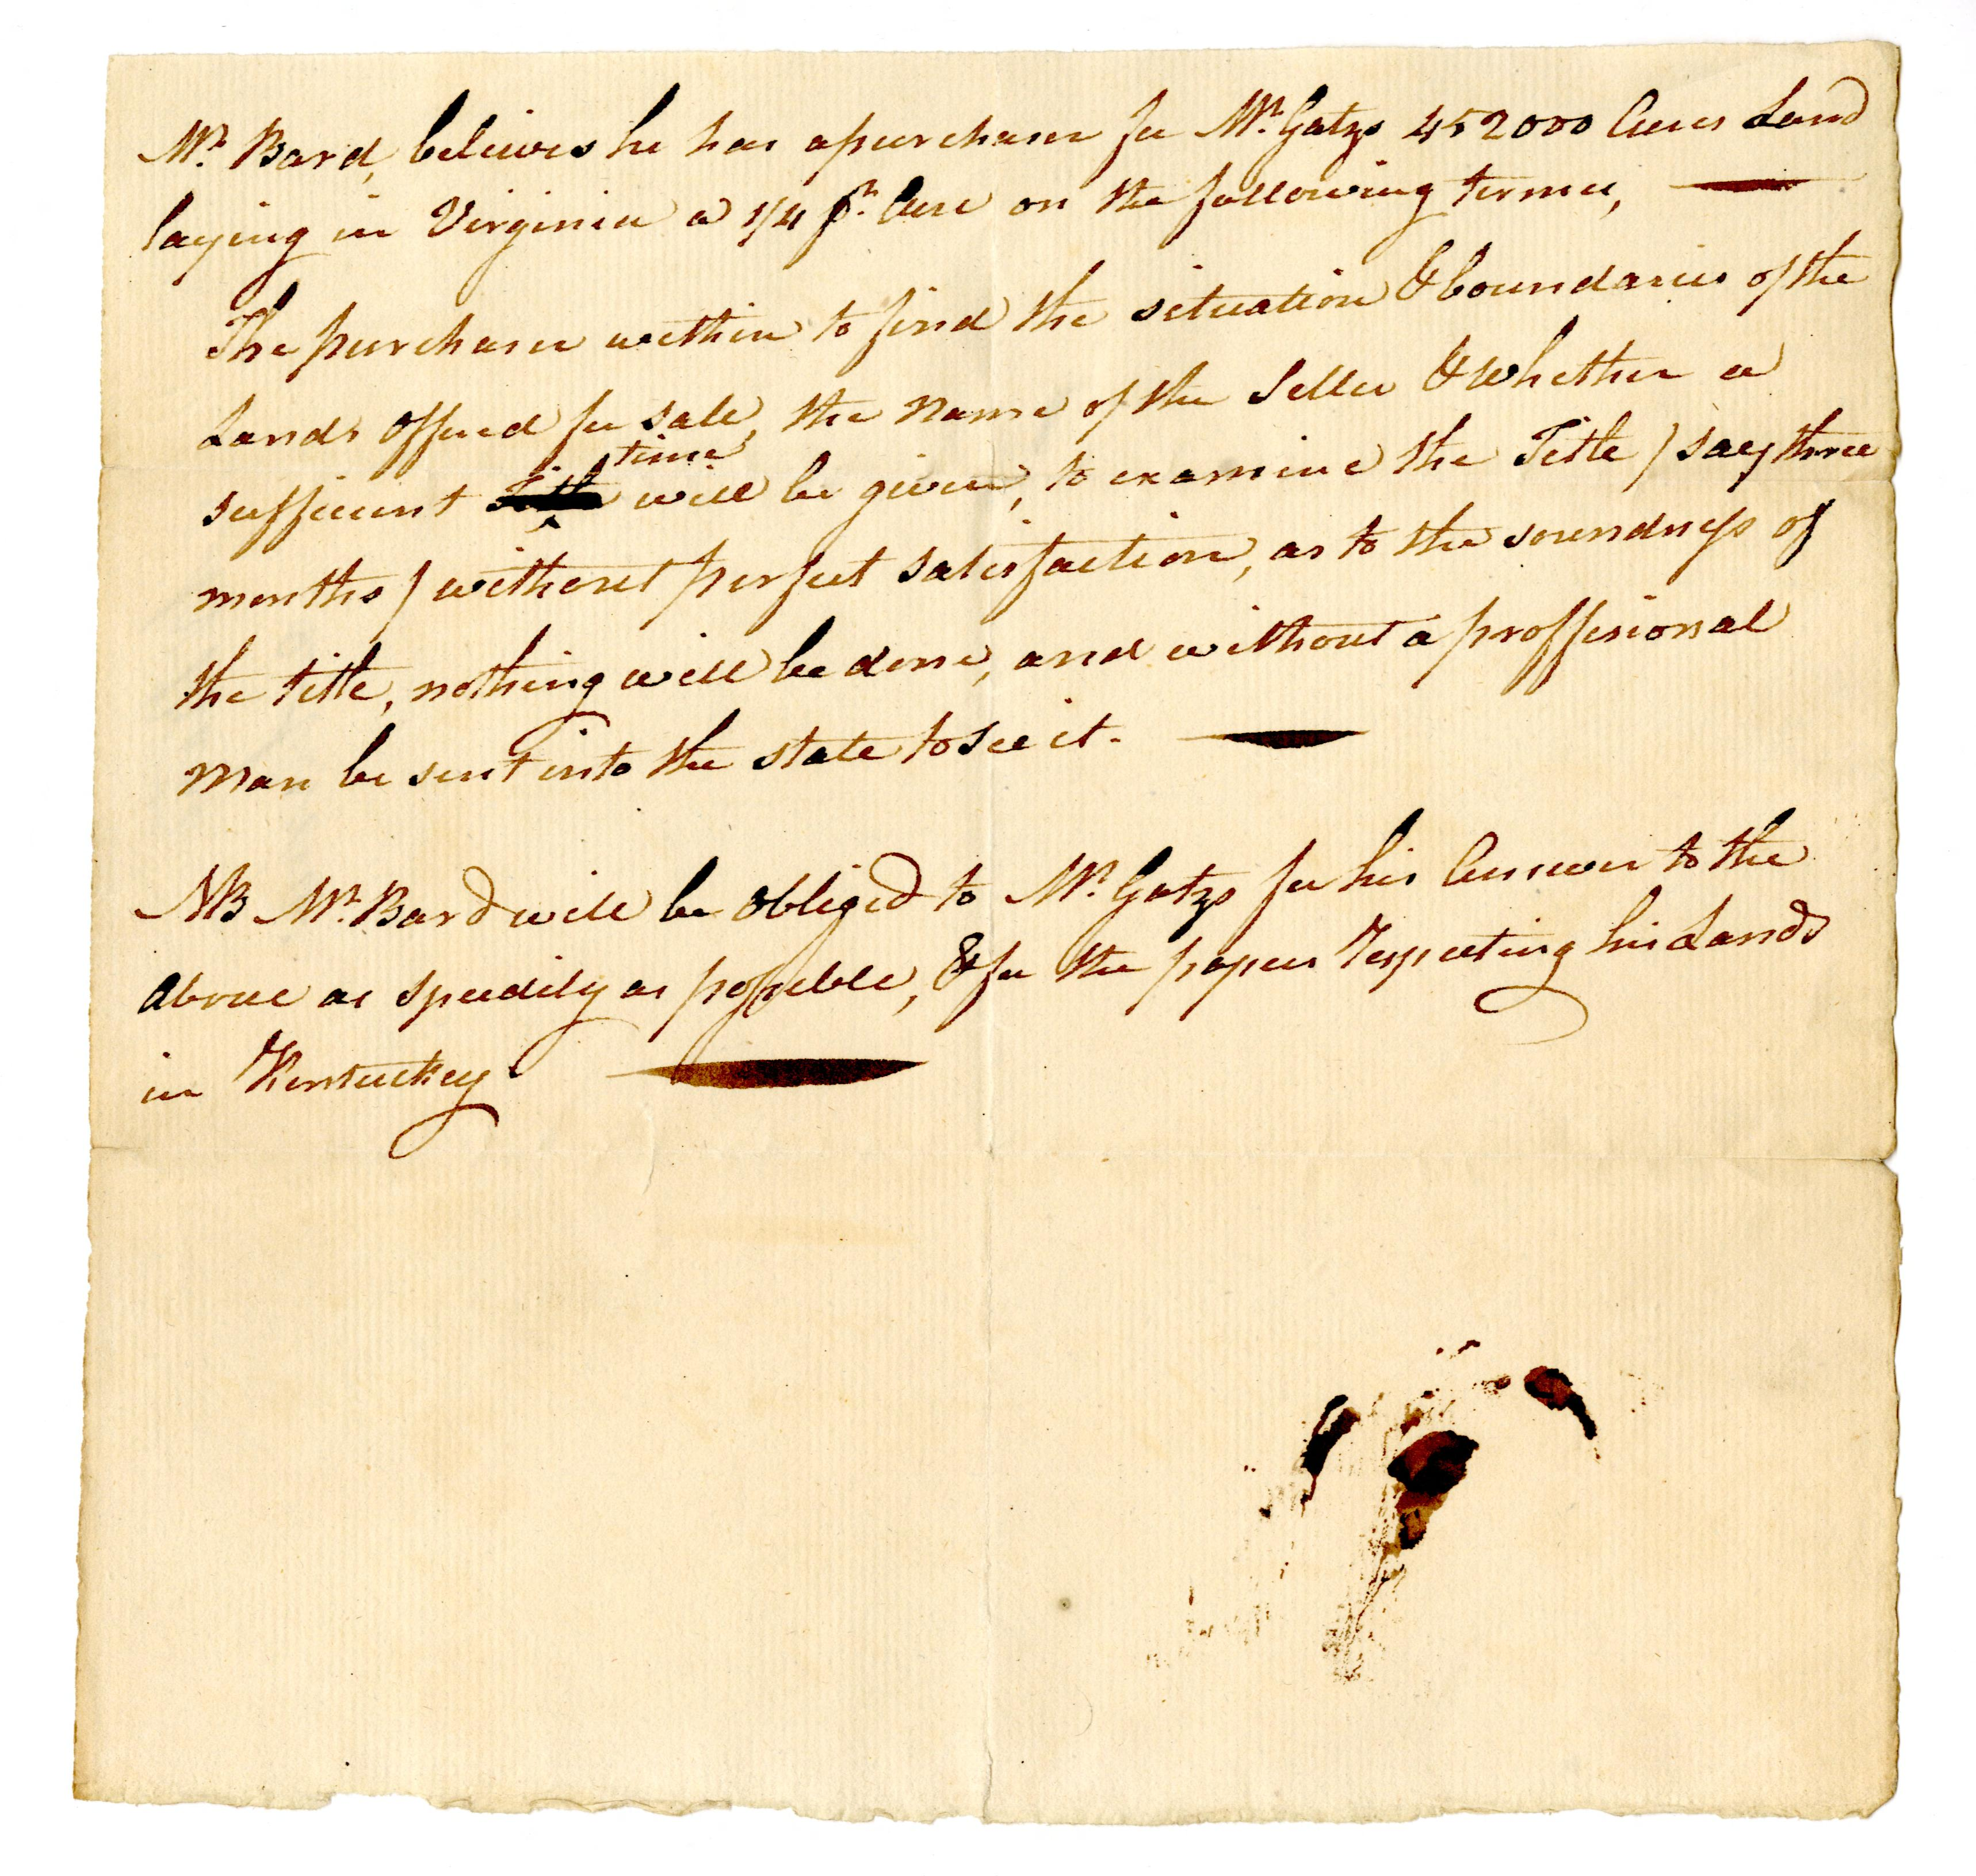M^r. Bard believes he has a purchaser for M^r. Gratzs 452000 Acres Land
laying in Virginia at 1/4 p^r. Acre on the following terms.-
The purchaser within to find the situation & boundaries of the
Lands Offerd for sale the name of the Sale & whether a
time
sufficient [Title] ^ will be given to examine the Title (say three
months) without perfect satisfaction, as to the soundness of
the title, nothing will be done, and without a professional
Man be sent into the state to see it.-
NB M^r. Bard will be obliged to M^r. Gratz for his Answer to the
Above as speedily as possible, & for the papers respecting his Lands
in Kentuckey